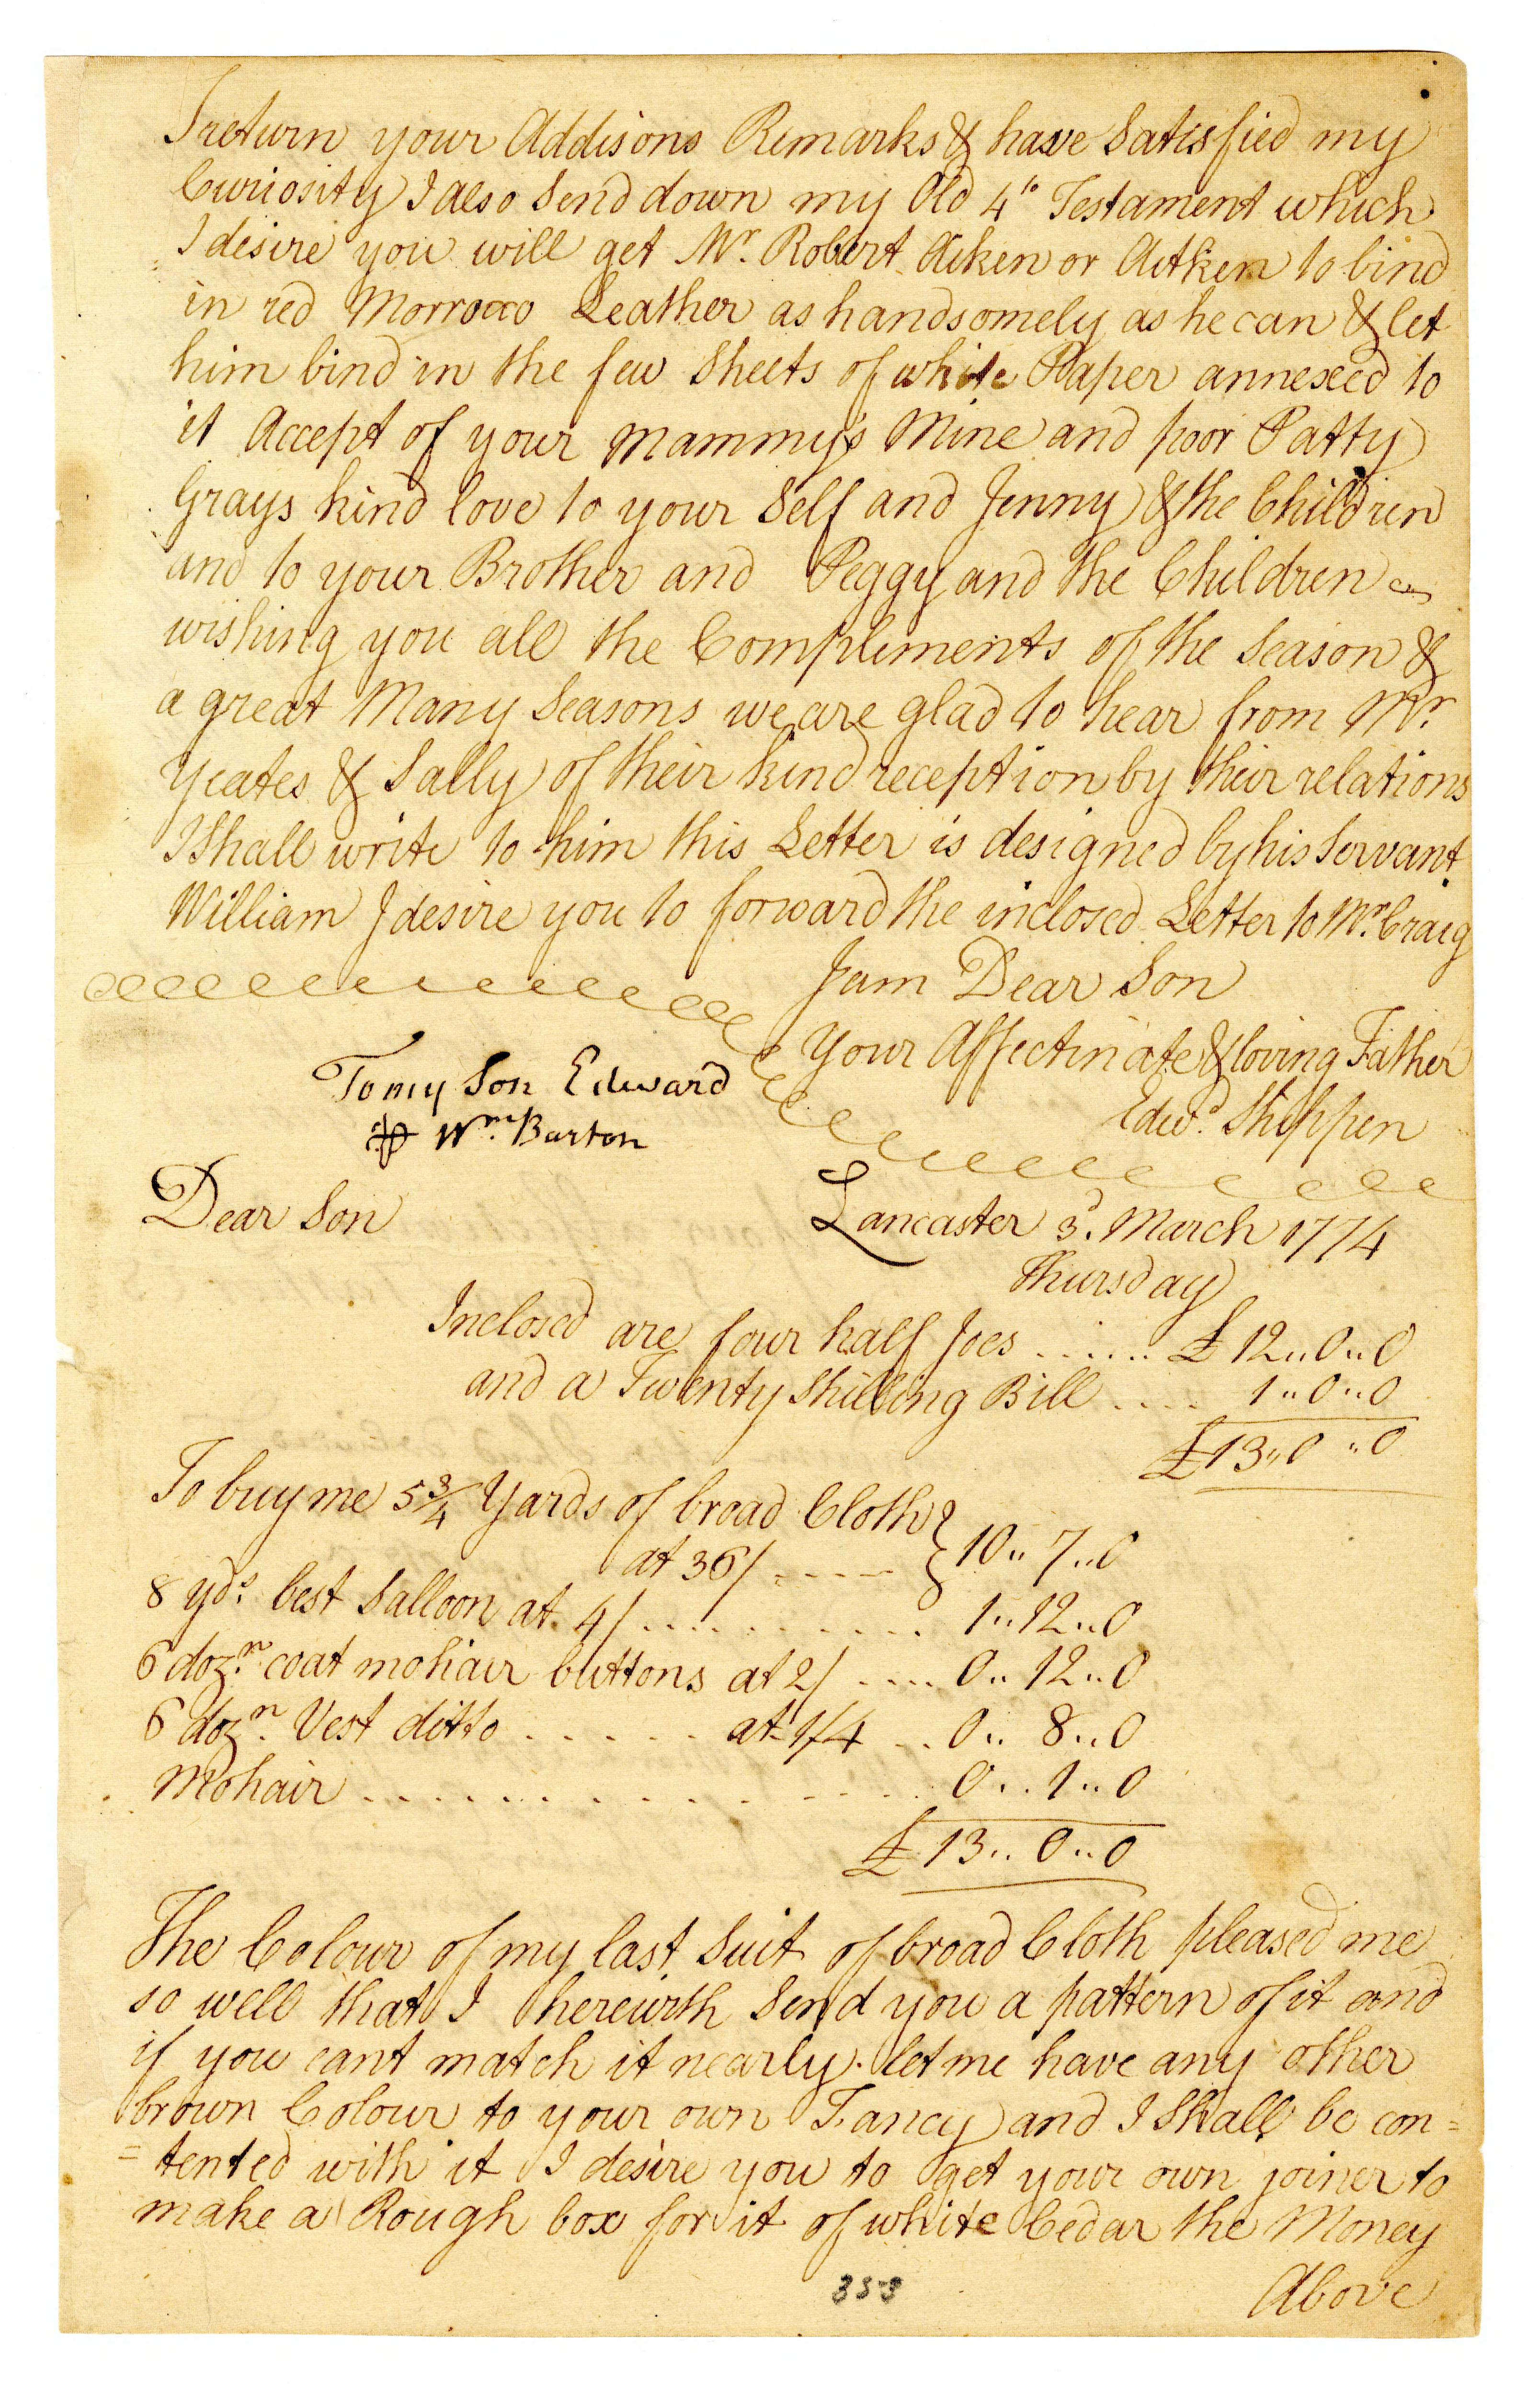I return your Addisons Remarks & have Satisfied my
Curiosity I also send down my Old 4^to Testament which
I desire you will get M^r. Robert Aitken or Aitken to bind
in red Morrocco Leather as handsomely as he can & let
him bind in the few Sheets of white Paper annexed to
it Accept of your Mammy's Mine and poor Patty
Grays kind love to your Self and Jenny & the Children
and to your Brother and Peggy and the Children-
wishing you all the Compliments of the Season &
a great Many Seasons we are glad to hear from M^r.
Yeates & Sally of their kind reception by their relations
I Shall write to him this Letter is designed by his servant
William I desire you to forward the inclosed Letter to M^r. Craig
I am Dear Son
Your Affectionate & loving Father
Edw^d. Shippen
To my Son Edward
per W^m. Barton
Lancaster 3^d. March 1774
Thursday
Dear Son
Inclosed are four half Joes...... £12..0..0
and a Twenty Shilling Bill....1..0..0
£13..0..0
To buy me 5 3/4, Yards of broad Cloth
at 36s.....10..7..0
8 yd^s. best Salloon at 4s.......... 1,,12,,0
6 doz^n. coat mohair buttons at 2s.... 0..12.0
6 doz^n. Vest ditto..... at-4s4.. 0..8..0
Mohair.............. 0.1..0
£13..0..0
The Colour of my last Suit of broad Cloth pleased me
so well that I therewith Send you a pattern of it and
if you cant match it nearly. let me have any other
brown Colour to your own Fancy and I shall be con-
-tented with it I desire you to get your own joiner to
make a Rough box for it of white Cedar the Money
Above